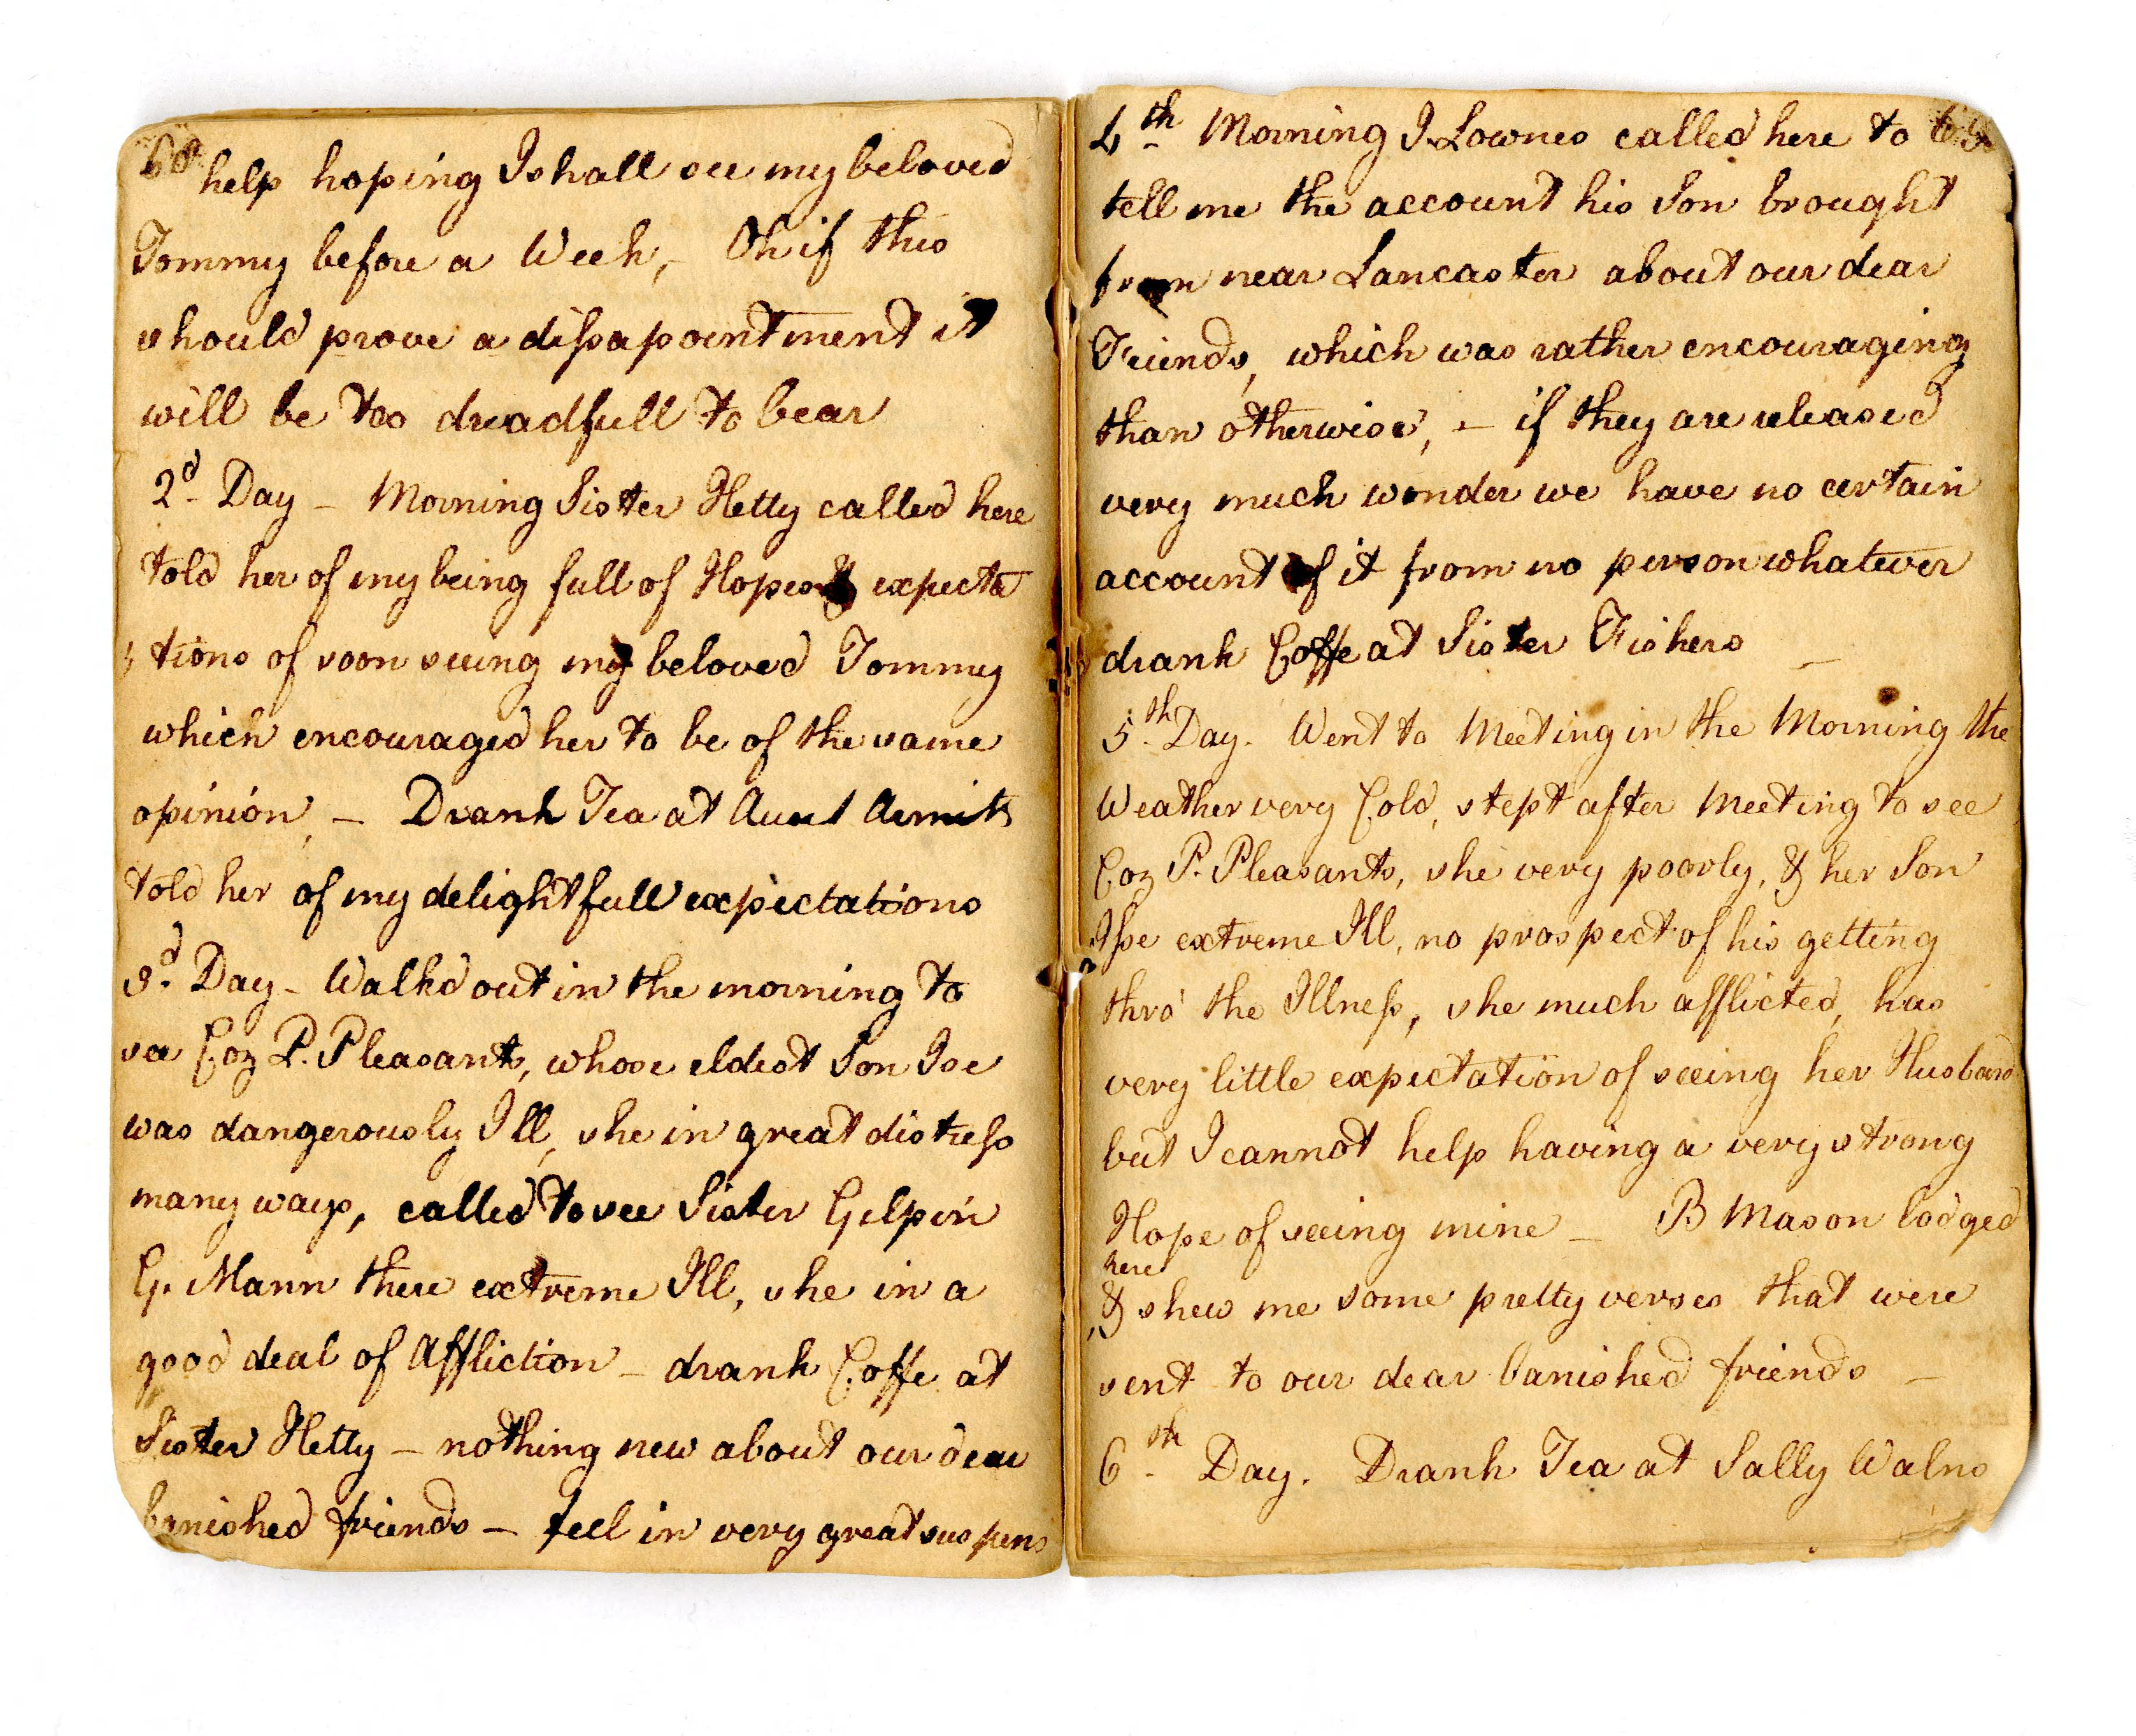68
help hoping I shall see my beloved
Tommy before a Week- Oh if this
should prove a dissapointment it
will be too dreadfull to bear
2^d Day- Morning Sister Hetty called here
told her of my being full of Hopes & expecta
-tions of soon seeing my beloved Tommy
which encouraged her to be of the same
opinion- Drank Tea at Aunt Armits
told her of my delightfull expectations
3^d. Day- Walkd out in the morning to
see Coz P. Pleasants, whose eldest Son Ise
was dangerously Ill, she in great distress
many ways, called to see Sister Gilpin
G. Mann there extreme Ill, she in a
good deal of Affliction- drank Coffe at
Sister Hetty- nothing new about our dear
banished friends- feel in very great suspens
4^th Morning I Lownes called here to
tell me the account his Son brought
from near Lancaster about our dear
Friends, which was rather encouraging
than otherwise- if they are released
very much wonder we have no certain
account of it from no person whatever
drank Coffe at Sister Fishers
5^th Day- Went to Meeting in the Morning the
Weather very Cold, stept after Meeting to see
Coz P. Pleasants, she very poorly, & her Son
Isse extreme Ill, no prospect of his getting
thro' the Illness, she much afflicted, has
very little expectation of seeing her Husband
but I cannot help having a very strong
Hope of seeing mine- B Mason lodged
here
& shew me some pretty verses that were
sent to our dear banished friends-
6^th. Day. Drank Tea at Sally Walns